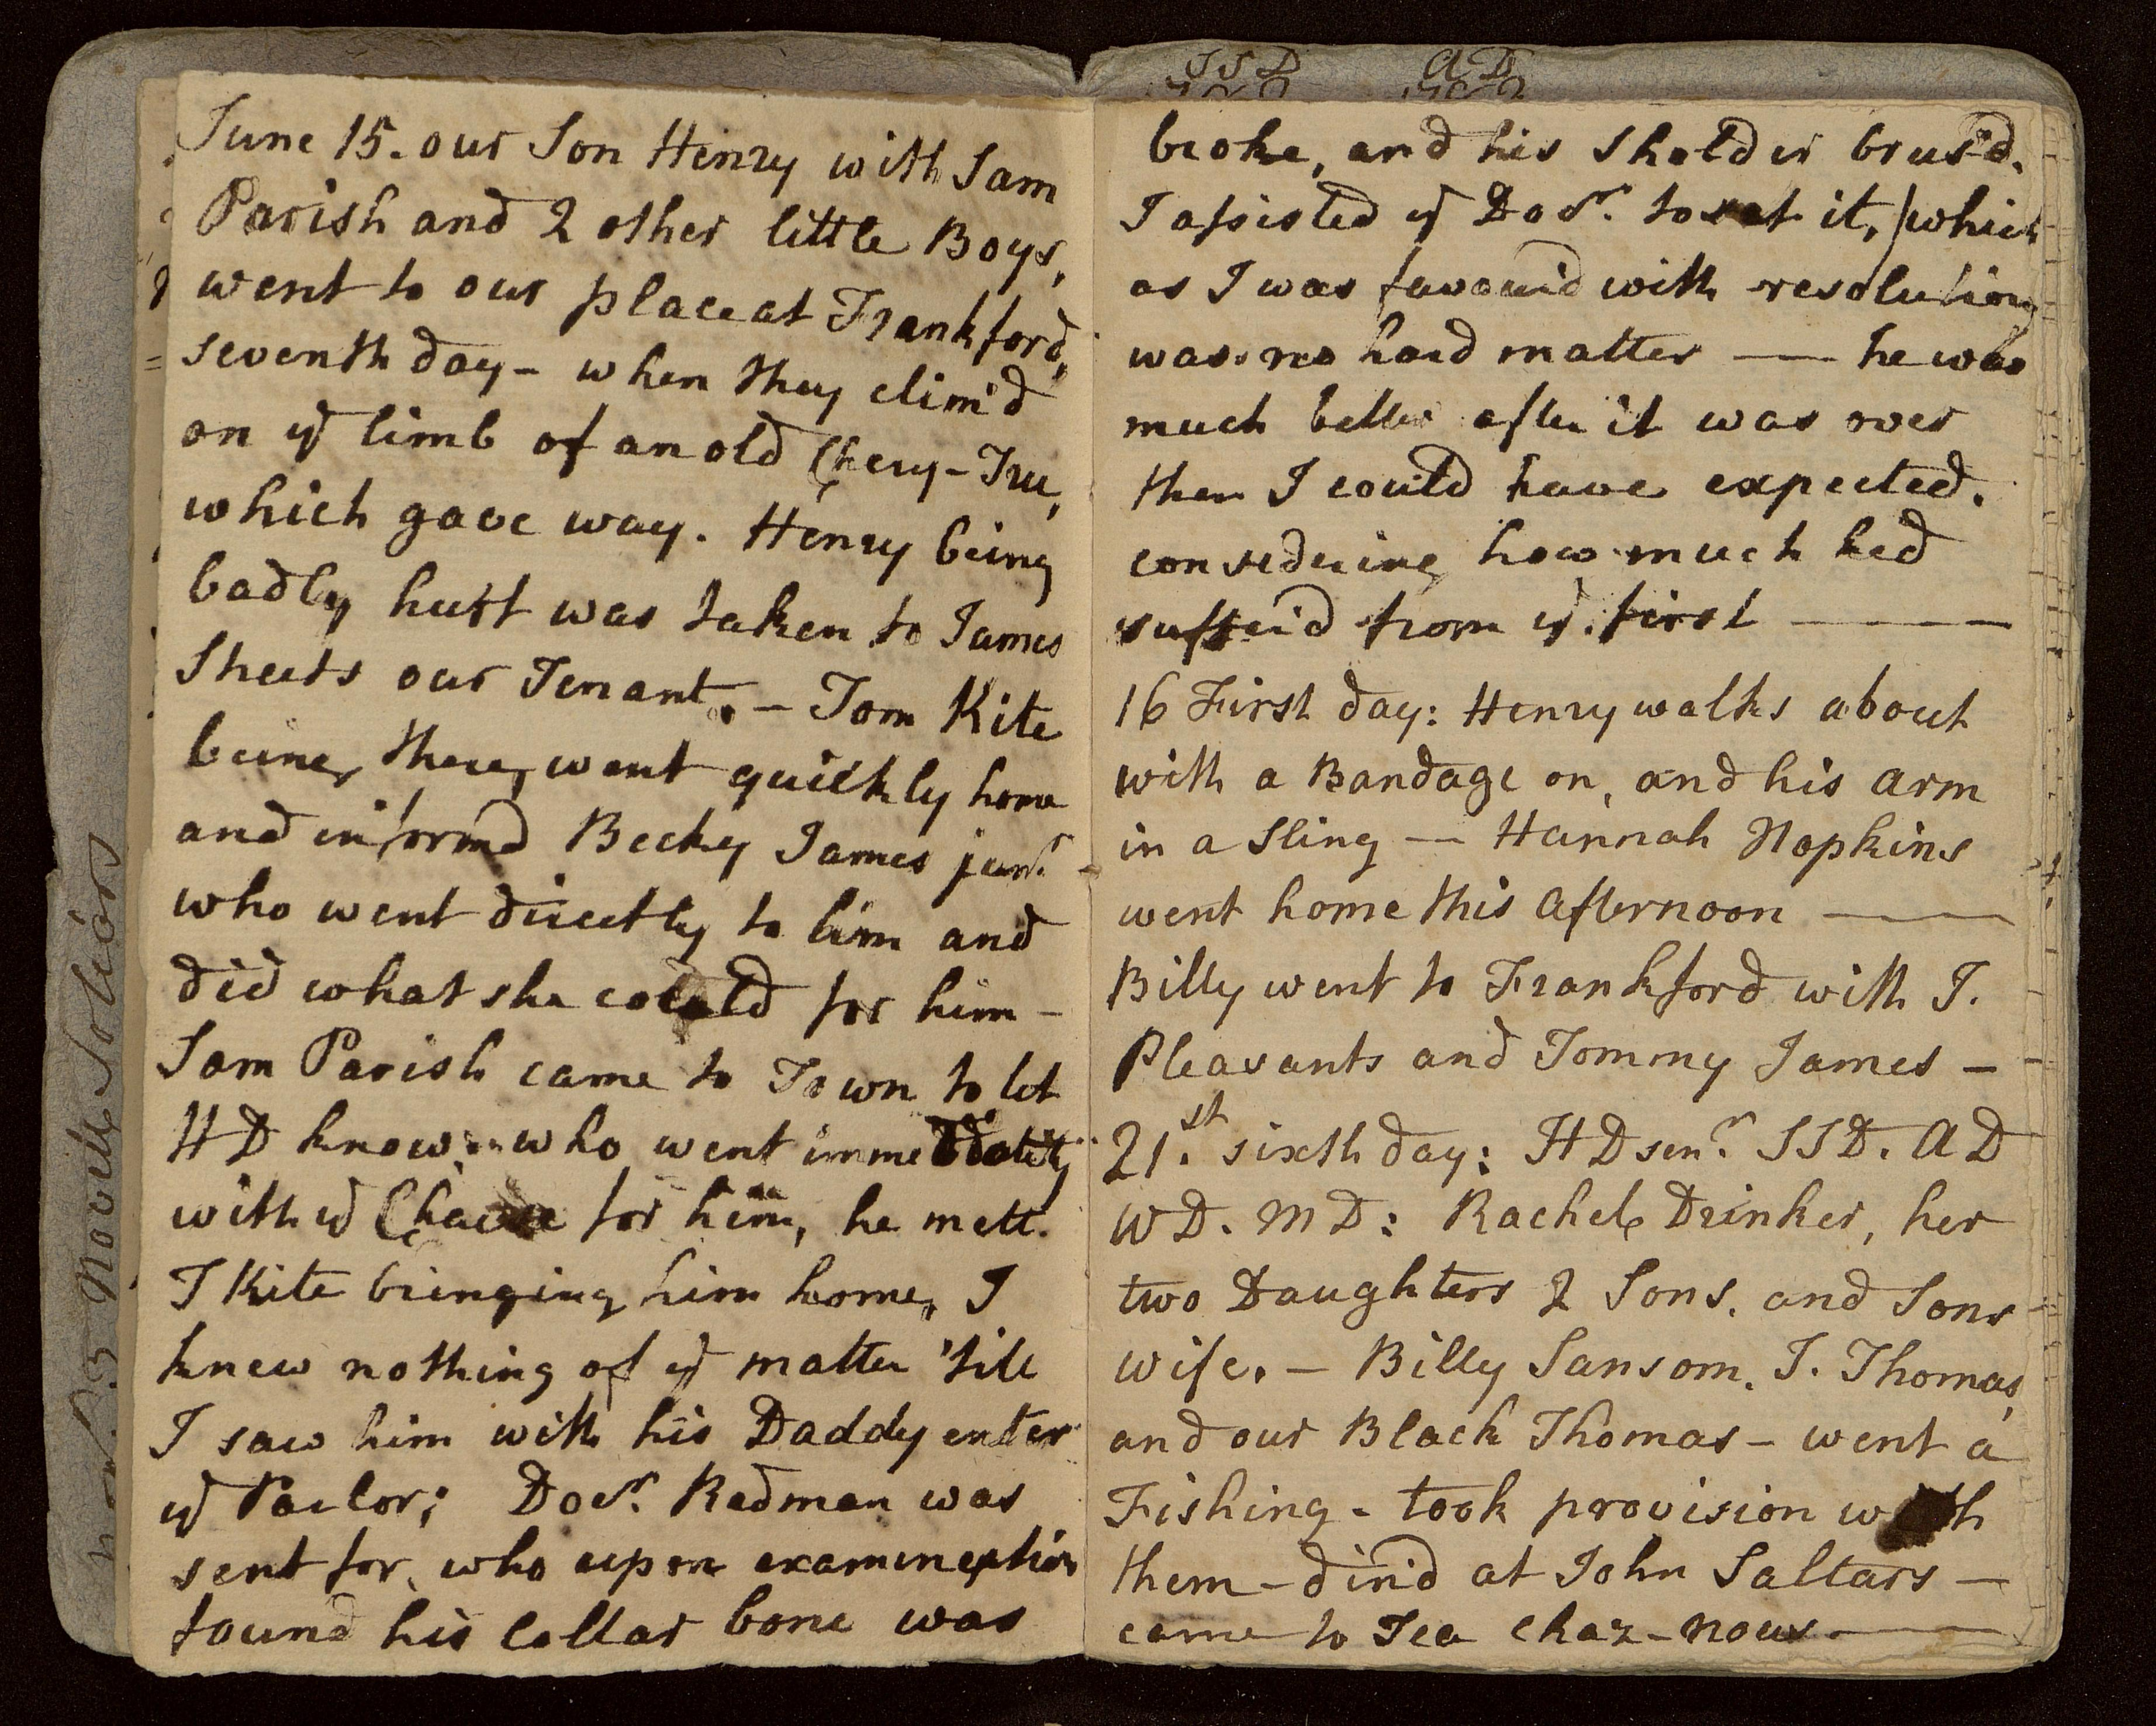June 15. our Son Henry with Sam
Parish and 2 other little Boys,
went to our place at Frankford,
seventh day- when they clim'd
on y^e limb of an old Cherry-Tree,
which gave way. Henry being
badly hurt was taken to James
Sheets our Tenant-- Tom Kite
being they went quickly home
and informd Becky James jun^r.
who went directly to him and
did what she could for him-
Sam Parish came to Town to let
HD know, who went immediately
with y^e Chaise for him, he mett.
T Kite bringing him home, I
knew nothing of y^e matter 'till
I saw him with his Daddy enter
y^e Parlor; Doc^r. Redman was
sent for, who upon examination
found his Collar bone was
broke, and his sholder brus'd,
I assisted y^e Doc^r. to set it, /which
as I was favour'd with resolving
was no hard matter- he was
much better after it was over
than I could have expected,
considering how much had
suffer'd from y^e first-
16 First day: Henry walks about
with a Bandage on, and his arm
in a Sling- Hannah Hopkins
went home this afternoon-
Billy went to Frankford with T.
Pleasants and Tommy James-
21^st. sixth day: HD sen^r. SSD. A D
WD. MD: Rachel Drinker, her
two Daughters 2 Sons, and Sons
Wife.- Billy Sansom, T. Thomas,
and our Black Thomas- went a
Fishing- took provision w[it]h
them- din'd at John Saltars-
came to Tea chaz-nous-